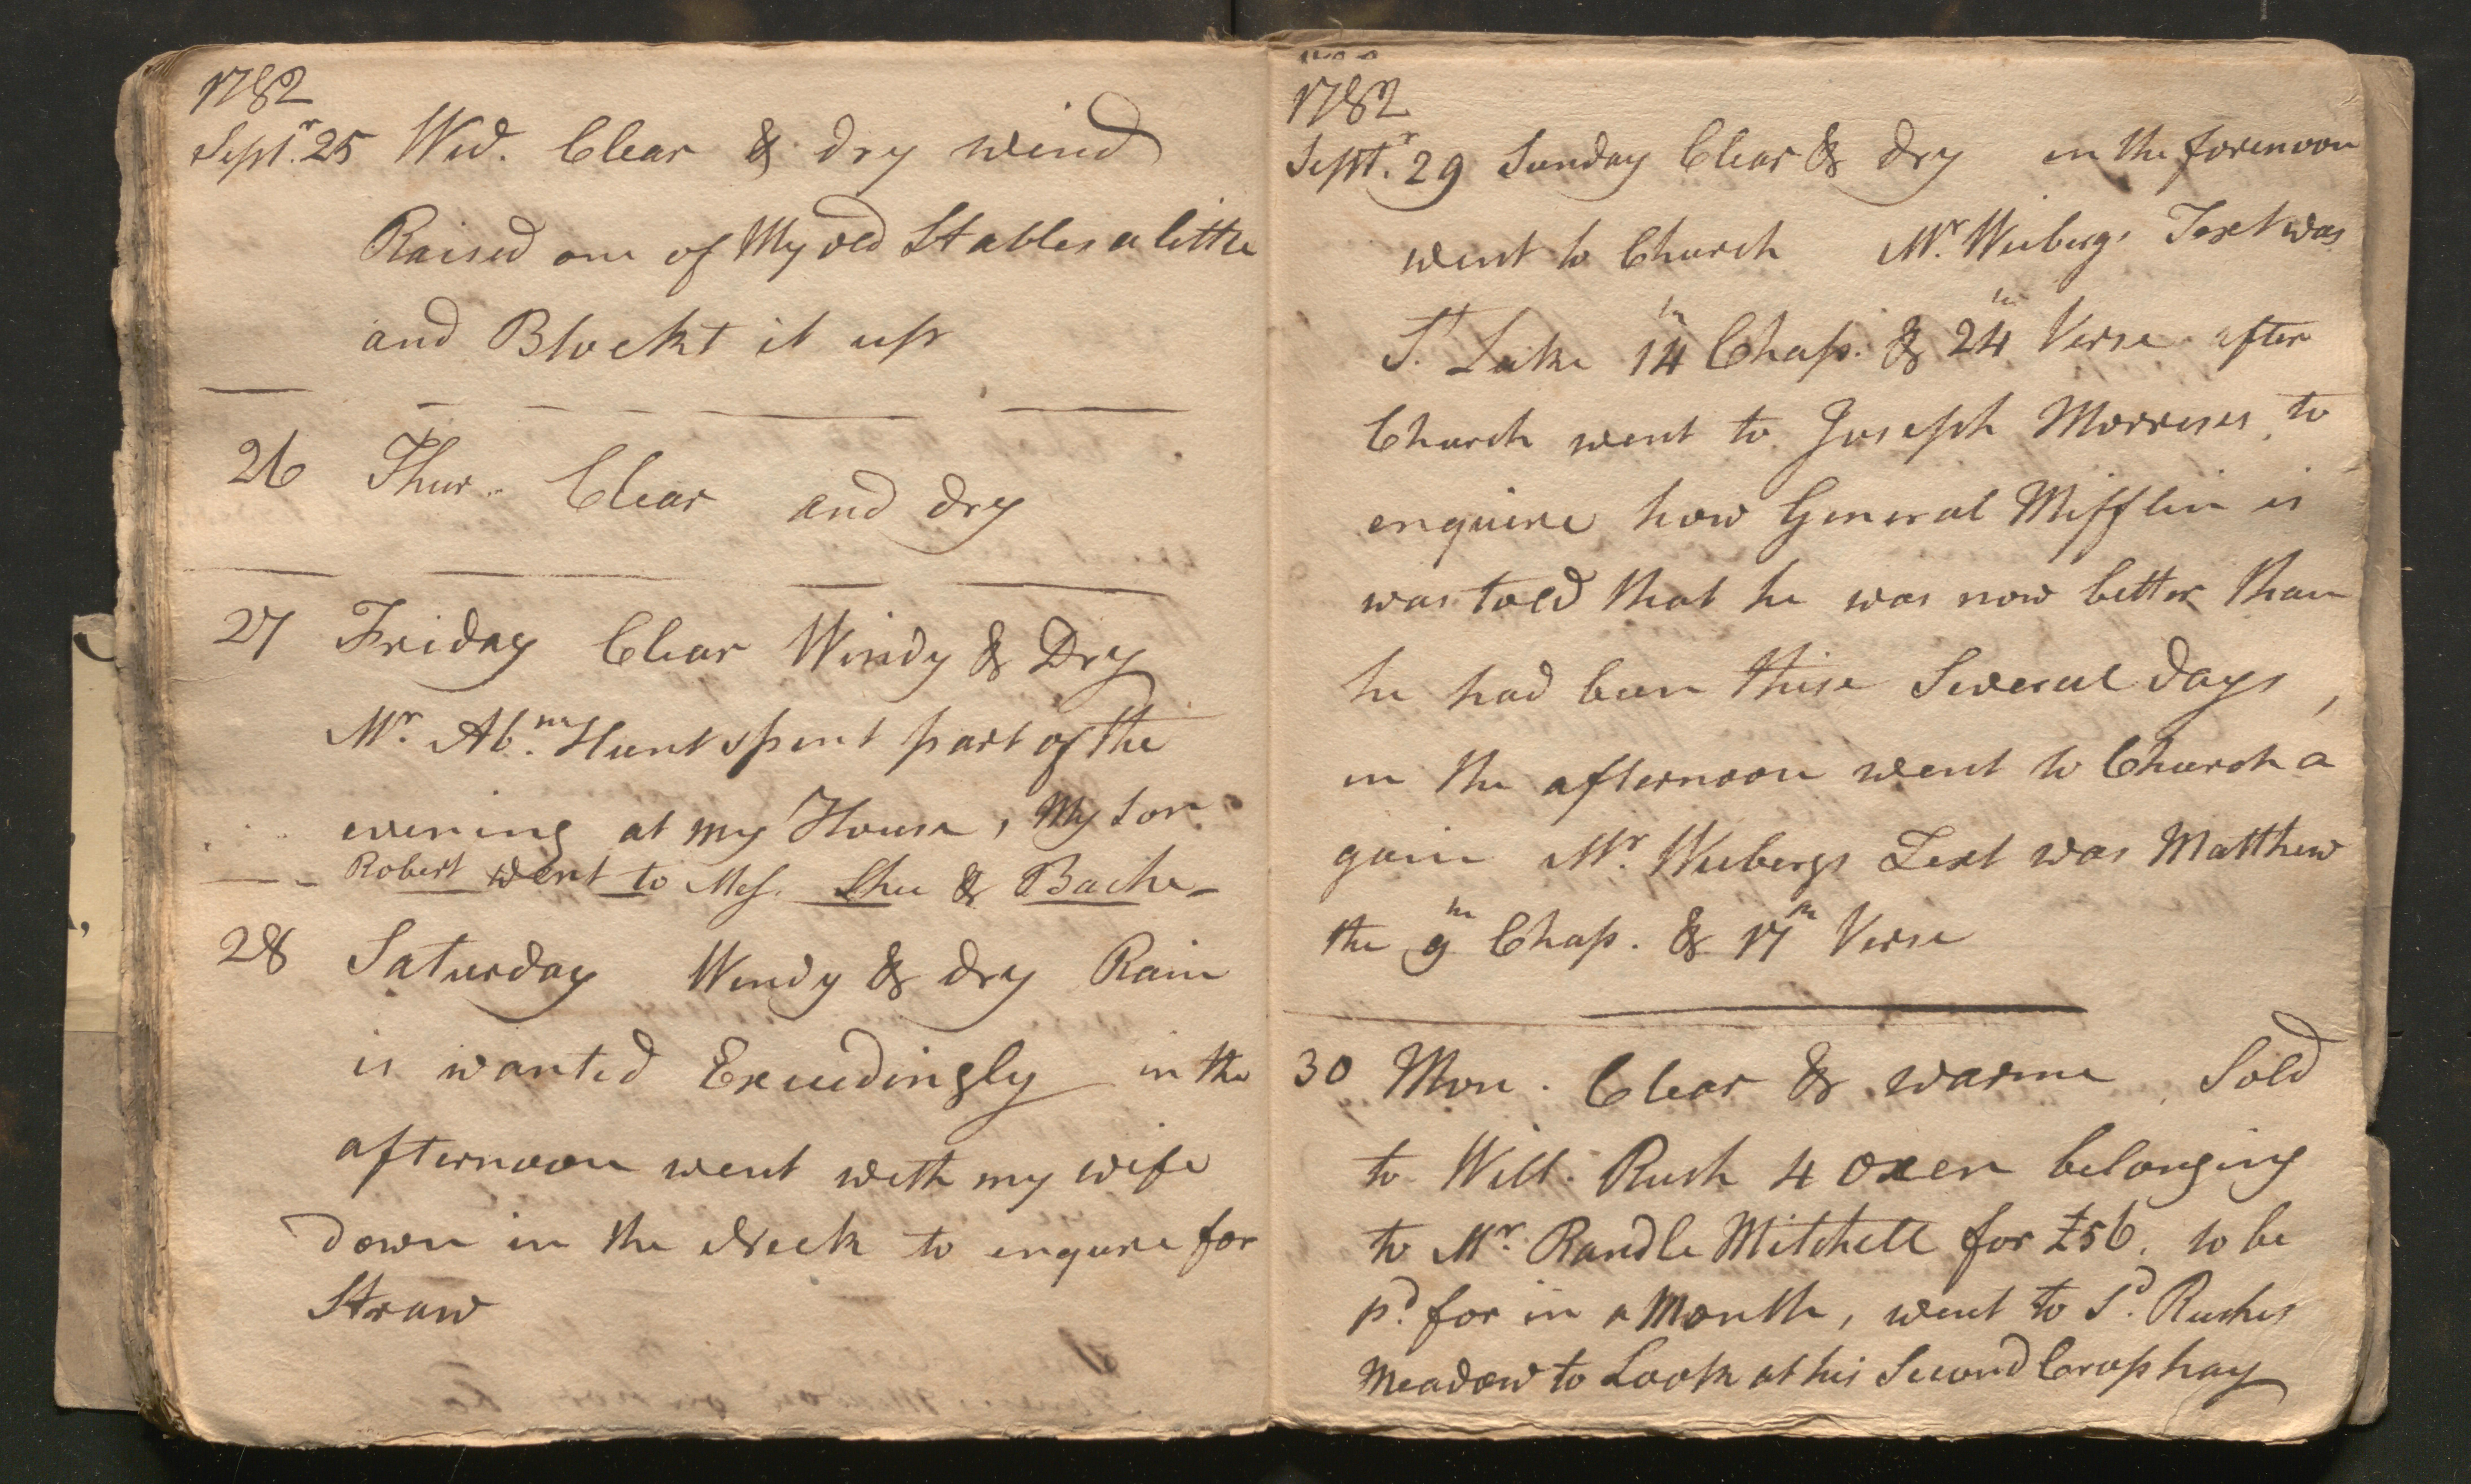1782
Sept^r. 25 Wed. Clear & dry wind
Raised one of My old Stables a little
and Blockt it up
26 Thur. Clear and dry
27 Friday Clear Windy & Dry
M^r. Ab^m. Hunt spent part of the
evening at my House, My Son
Robert went to Mes. Shee & Bache
28 Saturday Windy & dry Rain
is wanted Exceedingly in the
afternoon went with my wife
down in the Neck to enqure for
Straw
1782
Sept^r. 29 Sunday Clear & dry in the forenoon
went to Church M^r. Weibergs Text was
S^t. Luke 14^th Chap. & 24^th Verse after
Church went to Joseph Morrises to
enquire how General Mifflin is
was told that he was now better than
he had been thise Several days
in the afternoon went to Church a
gain M^r. Weibergs Text was Matthew
the 9^th Chap. & 17^th Verse
30 Mon^s. Clear & warme. sold
to Will. Rush 4 oxen belonging
to M^r. Randle Mitchell for £56. to be
p^d. for in a Month, went to s^d. Rushes
Meadow to Look at his Second Crop hay